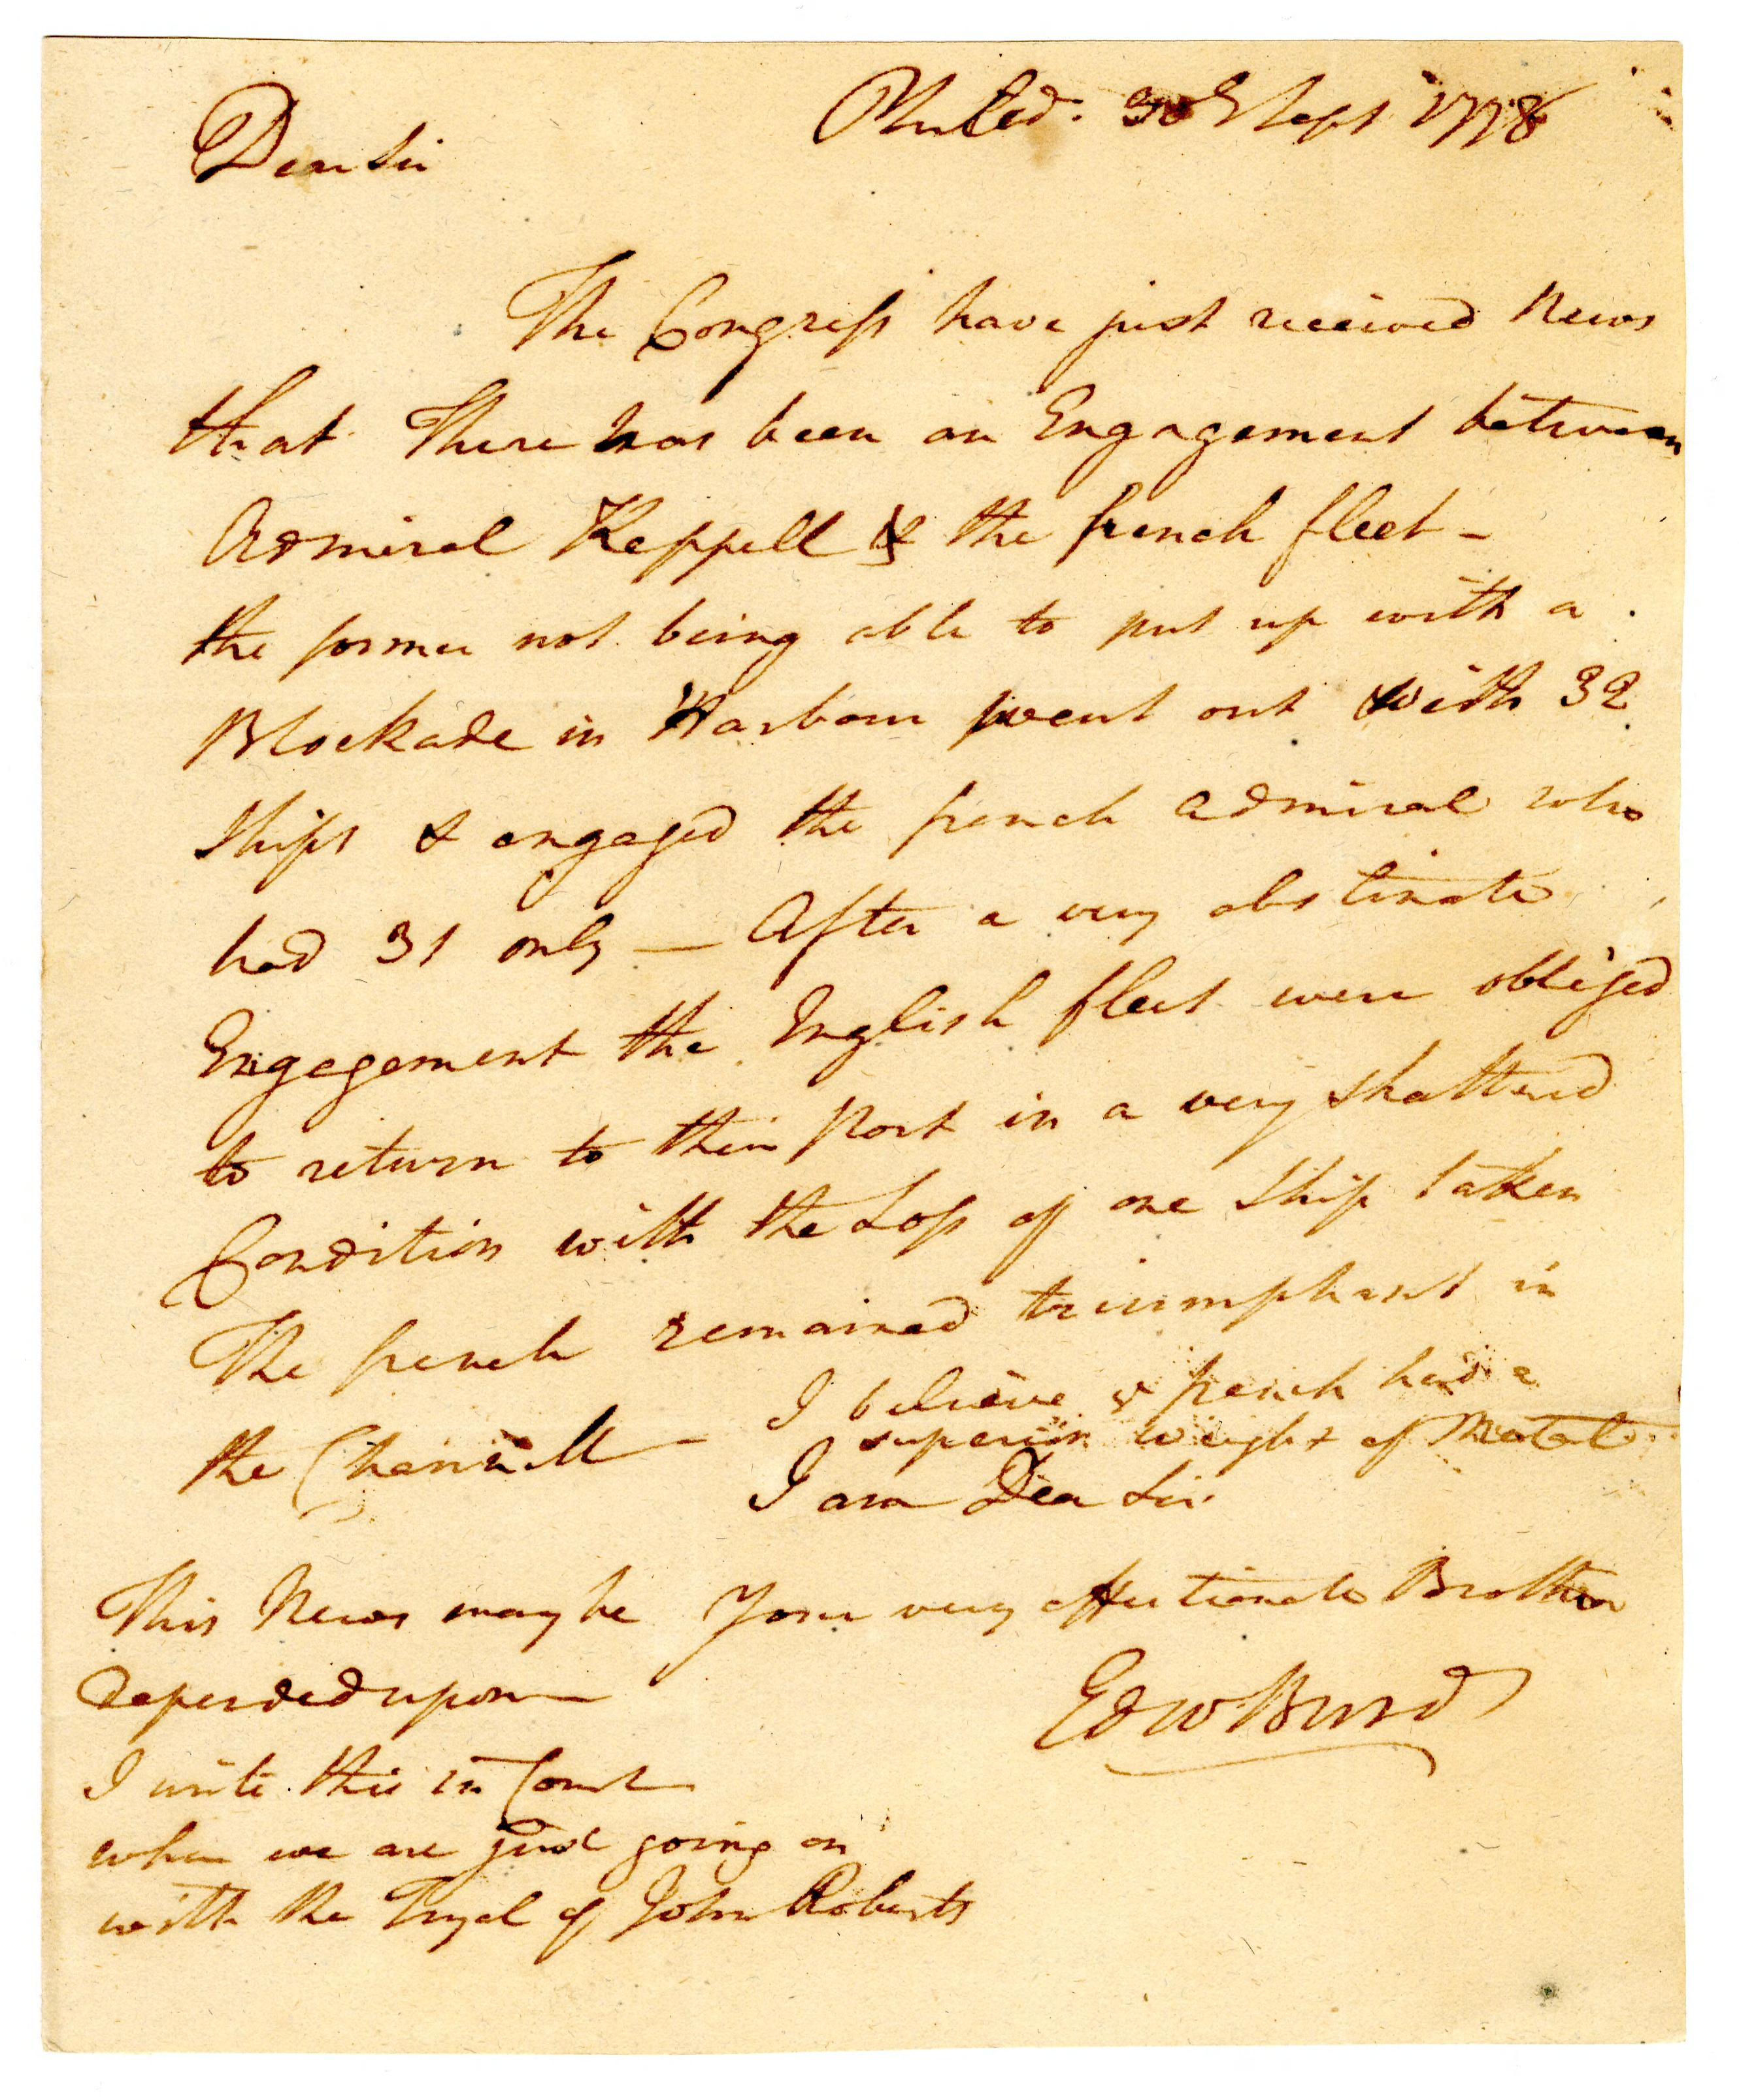Philad^a: 30 Sept 1778
Dear Sir
The Congress have just received News
that There has been an Engagement between
Admiral Reppell & the French fleet.
the former not being able to put up with a
Blockade in Harbour went out with 32
Ships & engaged the French Admiral who
had 31 only. After a very obstinate
Engagement the English fleet were obliged
to return to their port in a very shattered
Condition with the Loss of one Ship taken
The French remained triumphant in
the Channell
I believe y^e French had
superior weight of Metal
I am Dear Sir
your very affectionate Brother
Edw.Burd
This News may be
Depended upon
I write this in Court
where we are just going on
with the Tryal of John Roberts